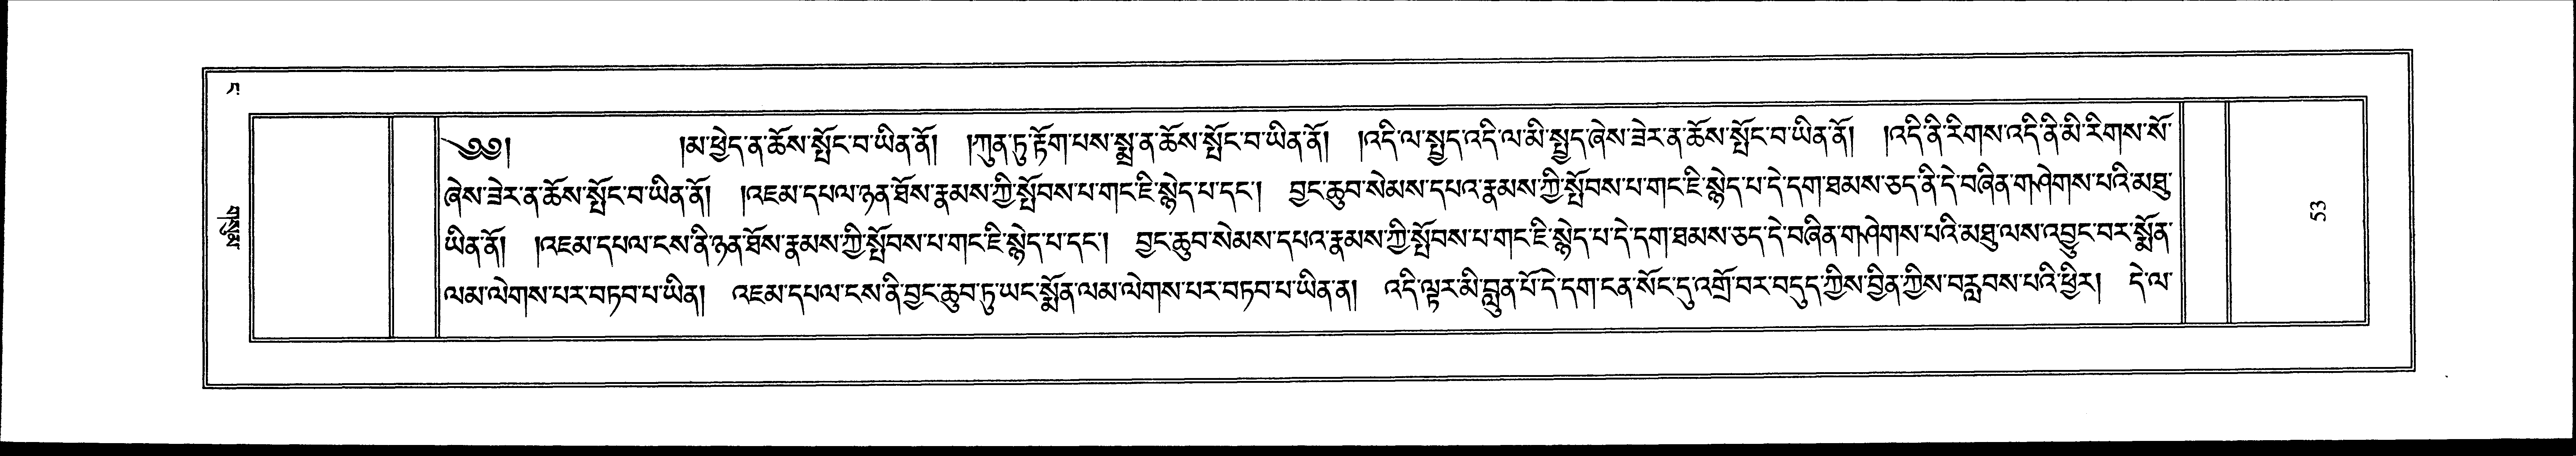༄༅། །མ་ཕྱེད་ན་ཆོས་སྤོང་བ་ཡིན་ནོ། །ཀུན་ཏུ་རྟོག་པས་སྨྲ་ན་ཆོས་སྤོང་བ་ཡིན་ནོ། །འདི་ལ་སྤྱད་འདི་ལ་མི་སྤྱད་ཞེས་ཟེར་ན་ཆོས་སྤོང་བ་ཡིན་ནོ། །འདི་ནི་རིགས་འདི་ནི་མི་རིགས་སོ་
ཞེས་ཟེར་ན་ཆོས་སྤོང་བ་ཡིན་ནོ། །འཇམ་དཔལ་ཉན་ཐོས་རྣམས་ཀྱི་སྤོབས་པ་གང་ཇི་སྙེད་པ་དང་། བྱང་ཆུབ་སེམས་དཔའ་རྣམས་ཀྱི་སྤོབས་པ་གང་ཇི་སྙེད་པ་དེ་དག་ཐམས་ཅད་ནི་དེ་བཞིན་གཤེགས་པའི་མཐུ་
ཡིན་ནོ། །འཇམ་དཔལ་ངས་ནི་ཉན་ཐོས་རྣམས་ཀྱི་སྤོབས་པ་གང་ཇི་སྙེད་པ་དང་། བྱང་ཆུབ་སེམས་དཔའ་རྣམས་ཀྱི་སྤོབས་པ་གང་ཇི་སྙེད་པ་དེ་དག་ཐམས་ཅད་དེ་བཞིན་གཤེགས་པའི་མཐུ་ལས་འབྱུང་བར་སྨོན་
ལམ་ལེགས་པར་བཏབ་པ་ཡིན། འཇམ་དཔལ་ངས་ནི་བྱང་ཆུབ་ཏུ་ཡང་སྨོན་ལམ་ལེགས་པར་བཏབ་པ་ཡིན་ན། འདི་ལྟར་མི་བླུན་པོ་དེ་དག་ངན་སོང་དུ་འགྲོ་བར་བདུད་ཀྱིས་བྱིན་ཀྱིས་བརླབས་པའི་ཕྱིར། དེ་ལ་